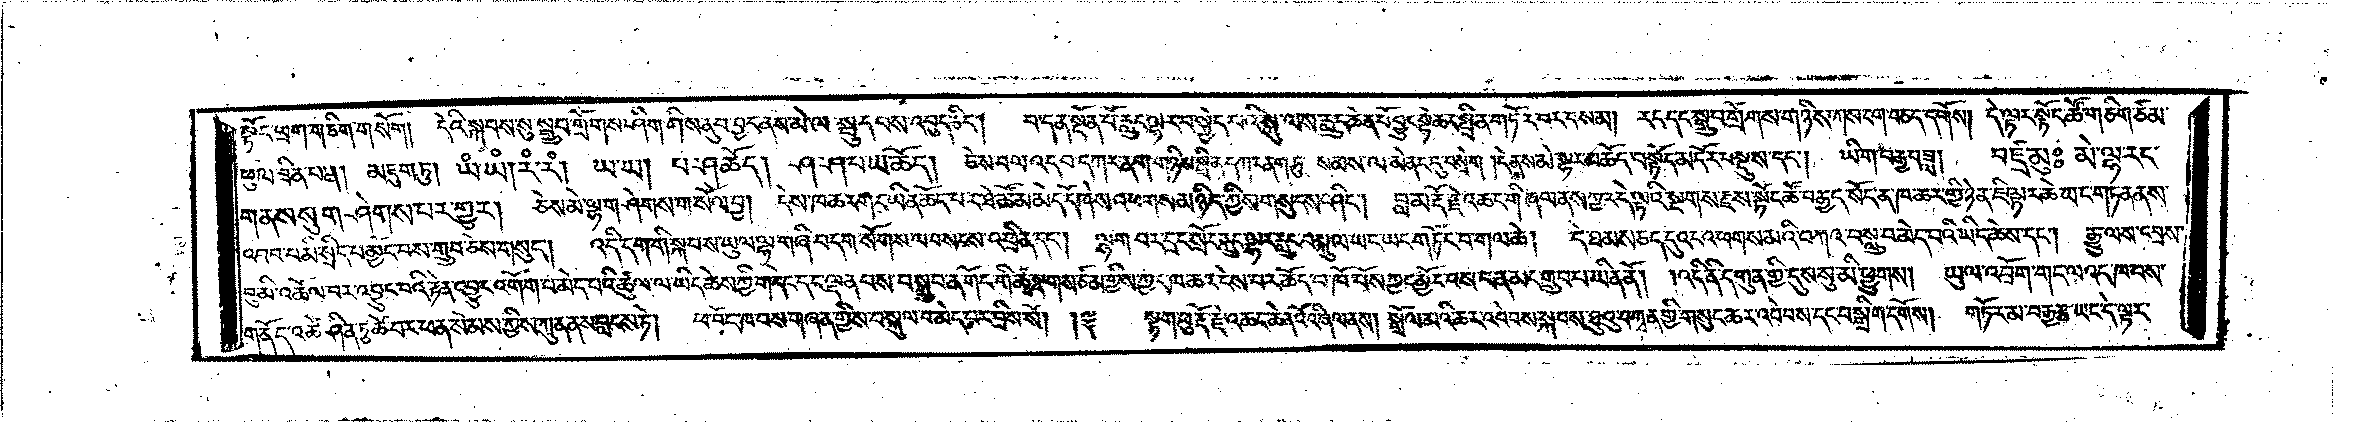སྟོང་ཕྲག་གཅིག་གསོག། དེའི་སྐབས་སུ་སྒྲུབ་གྲོགས་ཤིག་གིས་ནུབ་བྱང་ནས་མེ་ལ་སྦུད་པས་འབུད་ཅིང་། བ་དན་སྔོན་པོ་རླུང་ལྷར་བསྐྱེད་པའི་སྐུ་ལས་རླུང་ཆེན་པོ་བྱུང་སྟེ་ཆར་སྤྲིན་གཏོར་བར་དེ་སམ། རང་དང་སྒྲུབ་གྲོགས་གཉིས་ཀས་ངག་བཅད་དགོས། དེ་ལྟར་སྟོང་ཚོ་གཅིག་ཙམ་
ཕུལ་ཟིན་བ་ན། མཇུག་ཏུ། ཡཾ་ཡཾ། རཾ་རཾ། ཡ་ཡ། པ་ཤ་ཆོད། ཤ་ཤ་པ་ཡ་ཆོད། ཅེས་བལ་འདབ་དཀར་ནག་གཉིས་སྤྲིན་དཀར་ནག་ཏུ་སམས་ལ་མེ་ནང་དུ་བསྲེག །དེ་ནས་མེ་ཤར་བྖོད་བསྟོད་མདོར་བསྡུས་དང་། ཡིག་བརྒྱ་བཟླ།  བཛྲ་མུཿམེ་ལྷ་རང་
གནས་སུ་གཤེགས་པར་གྱུར། ཅེས་མེ་ལྷ་གཤེགས་གསོལ་བྱ། དེས་ཁ་ཆར་གང་ཡིན་ཆོད་པར་ཐེ་ཚོམ་མེད་དོ་ཞེས་འཕགས་མ་ཉིད་ཀྱིས་གསུངས་ཤིང་། བླ་མ་རྡོ་རྗེ་འཆང་གི་ཞལ་ནས་ཀྱང་དེ་ལྟའི་སྔགས་རྫས་སྟོང་ཚོ་བརྒྱད་སོང་ན་ཁ་ཆར་གྱི་ཉེན་ཇི་ལྟར་ཆེ་ཡང་གཏན་ནས་
འབབ་པ་མི་སྲིད་པ་མྱོང་བས་གྲུབ་ཅེས་གསུང་། འདི་དག་གི་སྐབས་ཡུལ་ལྷ་གཞི་བདག་སོགས་ལ་བསངས་འཕྲིན་དང་། ལྷག་བར་དྲང་སྲོང་རླུང་ལྷར་རླུང་བསྐུལ་ཡང་ཡང་གཏོང་བ་གལ་ཆེ། དེ་ཐམས་ཅད་དུའང་འཕགས་མའི་བཀའ་བསླུབ་མེད་པའི་ཡིད་ཆེས་དང་། རྒྱུ་ལས་དབྲས་
བུ་མི་འཆོལ་བར་འབྱུང་བའི་རྟེན་འབྱུང་འགོག་པ་མེད་པའི་ཚུལ་ལ་ཡིད་ཆེས་ཀྱི་གདེང་དང་ལྡན་པས་བསྒྲུབ་ན་གོང་གི་ཚྭ་སྣགས་ཙམ་གྱིས་ཀྱང་ཁ་ཆར་ངེས་པར་ཆོད་པ་ཁོ་པོས་ཀྱང་མྱོང་བས་ངན་མང་གྲུབ་པ་ཡིན་ནོ། །འདི་ནི་དགུན་གྱི་དུས་སུ་མི་ཕྱུགས། ཡུལ་འབྲོག་གང་ལའང་ཁབས་
གནོད་འཚེ་ཤིན་ཏུ་ཚེ་བར་ཕན་སེམས་ཀྱིས་ཀུན་ནས་བླངས་ཏེ། ཕ་བོང་ཁ་བས་གཞན་གྱིས་བསྐུལ་བ་མེད་པར་བྲིས་སོ། །༈ སྟག་ཕུ་རྡོ་རྗེ་འཆང་ཆེན་པོའི་ཞལ་ནས། སྒྲོལ་མའི་འཆར་འབེབས་སྐབས་ཐུའུ་བཀྭན་གྱི་གསུང་ཆར་འབེབས་དང་བསྒྲིག་དགོས། གཏོར་མ་བརྒྱ་རྩ་ཡང་དེ་ལྟར་